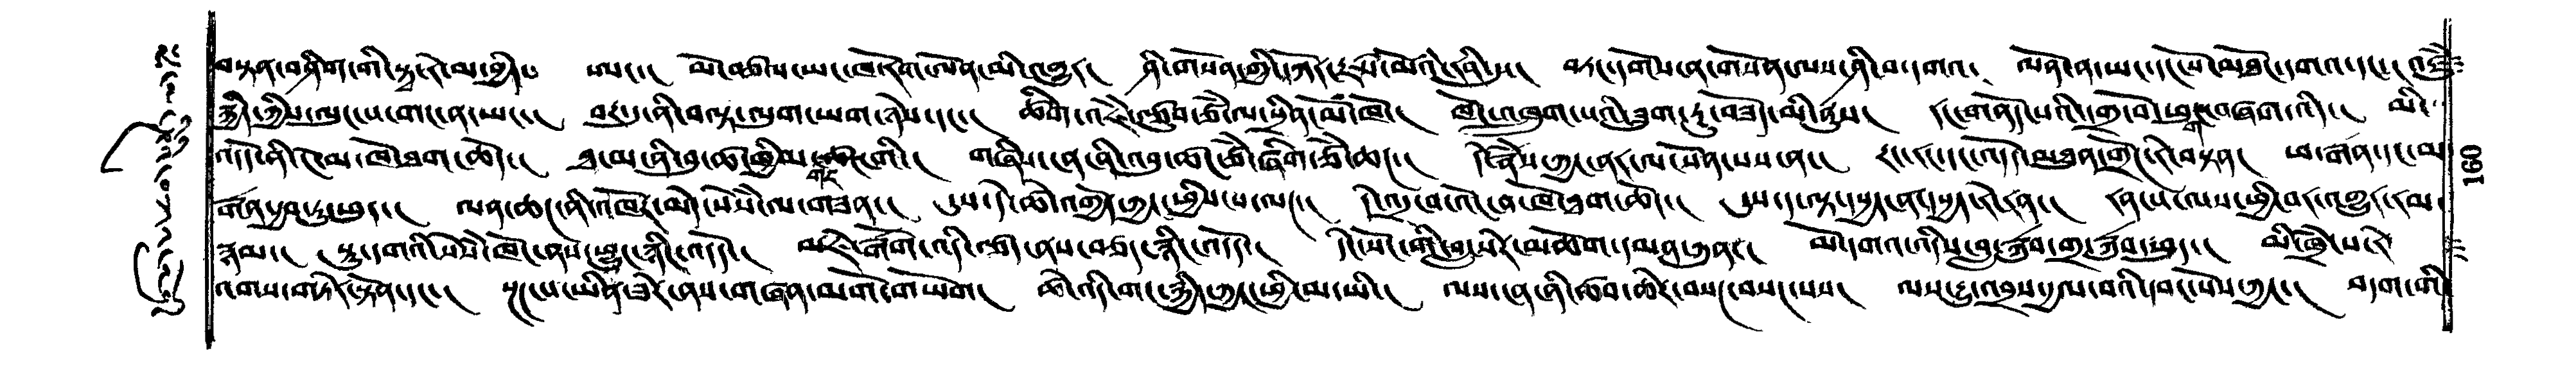བསྟན་བཤིག་གི་སྟྭ་རེ་མ་བྱེད་ཨང་། །མོ་བཙལ་ཡང་ཁ་རོག་ལོན་མི་འགྱུར། །ཤི་གསོན་གྱི་དཀོར་རྫས་མོའི་རིན་དུ། །གཏོང་དགོས་ན་གསོན་ལས་ཤི་བ་དགའ། །ལོན་ན་ཡང་དང་པོ་མཐོང་དགའ་དང་། །འཛུམ་
སྐྱིད་ཀྱིས་ལུང་པ་གང་ན་ཡང་། །བར་དུ་ནི་ལྟ་ལུགས་ཡག་ཉེས་དང་། །ཚིག་འཇམ་རྩུབ་ཙམ་ལ་སྲིན་མོ་ཁོ། །ཁོང་འཁྲུག་པའི་ཟུག་ངུ་བཟོད་མི་ནུས། །རང་གནོད་པའི་དགྲ་བོ་ཕུག་བཞག་འདི། །མི་
འདོད་ནི་ངོ་མ་ཁོ་ཐག་ཆོད། །ཐ་མ་ནི་བུ་ཚ་ཁྱིམ་གང་གིས། གཞིས་ངན་ནི་འབུ་ཚང་ཙམ་ཞིག་ཆགས་། །དེ་རྣམས་ཀྱང་ན་ལ་སོན་པས་ན། །རང་རང་དང་འདོད་མཐུན་གྲོགས་རེ་བསྟན།ཕ་རྒན་དང་མ་
རྒན་རྒྱང་དུ་ཕུད། །ལན་ཆགས་ནི་འཁོར་མེད་སེམས་ལ་གཟན། །དུས་དེ་ཚེ་འགྱོད་ཀྱང་ཕྱིས་པ་ལགས། །དེ་འདྲ་བ་འོང་ན་ཁོ་ཐག་ཆོད་། །དུས་ད་ལྟ་དཔྱོད་ན་དཔྱོད་རེ་རན། །རན་པ་ལས་འཕྱི་བར་འགྱུར་རམ་
སྙམ། །སྟུ་དགའི་སེམས་ཁོང་ནས་ཕྱུང་སྙིང་འདོད། །མཇེ་གོག་འདི་རྩད་ནས་གཅོད་སྙིང་འདོད། །དེང་སང་གི་བླ་སེར་མཆོག་དམན་ཀུན། །མོ་དགའ་འདིས་བླ་རྐུབ་གྲ་རྐུབ་ཕུད། །མི་ཁྲམ་པ་རཻ་
འགས་གཏེར་སྟོན་དང་། སྔགས་པ་ཡིན་ཟེར་ནས་གཞན་མགོ་གཡོགས། ཚེ་འདི་གང་སྐྱིད་ཀྱང་ཕྱི་མ་ཡི། །ལས་ངན་ནི་ཚབས་ཆེར་བསགས་བསགས་པས། །ལས་རྒྱུ་འབྲས་རྒྱལ་བའི་དབང་པོས་ཀྱང་། །བདག་གི་